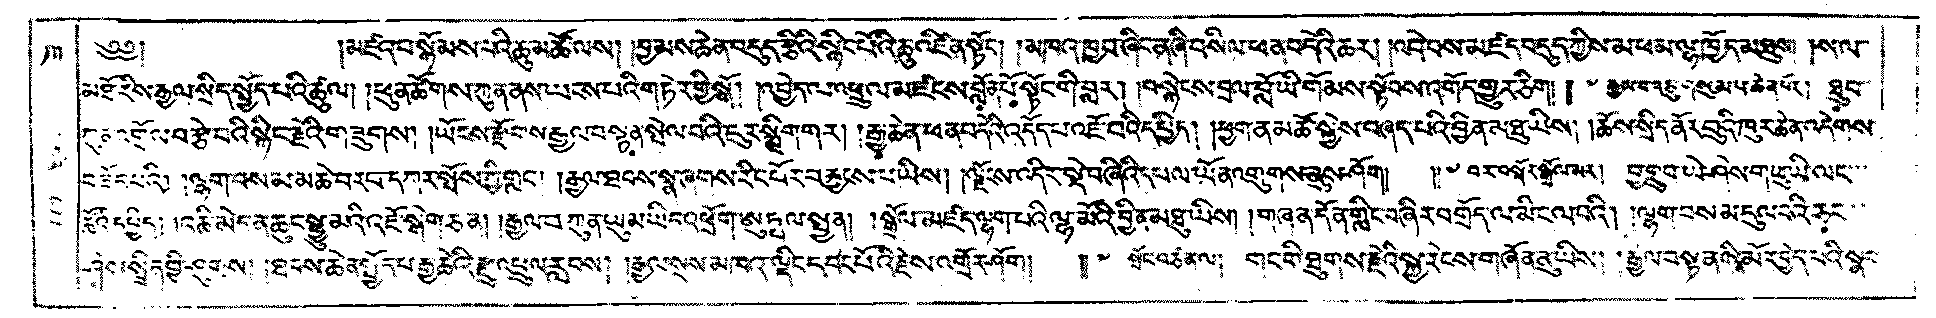༄༅། །མཛའ་བ་སྙོམས་པའི་ཆུ་མཚོ་ལས། །བྱམས་ཆེན་བདུད་རྩིའི་སྙིང་པོའི་ཆུ་འཛིན་སྟོང་། །མཁའ་ཁྱབ་ཞིང་ན་ཞི་བསིལ་ཕན་བདེའི་ཆར། །འབེབས་མཛད་བདུད་ཀྱིས་མ་ཕམ་ལྷ་ཁྱོད་མཐུས། །ས་ལ་
མཐོ་རིས་རྒྱལ་སྲིད་སྤྱོད་པའི་ཚུལ། །ཕུན་ཚོགས་ཀུན་ནས་ཡངས་པའི་གཏེར་གྱི་སྒོ། །འབྱེད་ལ་འཕྲུལ་མཛངས་བློན྾་པོ྾་སྟོང་གི་བླར། །བསྙེངས་བྲལ་བློ་ཡི་གོམས་སྟོབས་འགོད་གྱུར་ཅིག ། །།༧་རྒྱལ་བ་བཅུ་གསུམ་པ་ཆེན་པོར།  ཐུབ྾་
ཀུན་འགྲོ་ལ་བརྩེ་བའི་སྙིང་རྗེའི་གཟུགས། །ཡོངས་རྫོགས་རྒྱལ་བསྟན྾་སྤེལ་བའི་ངུར་སྨྲིག་གར། །རྒྱ྾་ཆེན་ཕན་བདེའི་འདོད་པ་འཇོ་བའི་དཔྱིད། །ཕྱག་ན་མཚོ྾་སྐྱེས་བཞད་པའི་བྱིན་མཐུ་ཡིས། །ཆོས་སྲིད་ནོར་བུའི་ཁུར་ཆེན་འདེགས་
བཟོད་པའི། །ལྷག་བསམ་མཆེ་བ་རབ་དཀར་སྤོས་ཀྱི་གླང྾། །རྒྱལ་ཐབས་སྣ་ཞགས་རིང་པོར྾་བརྐྱངས་པ་ཡིས། །ལྗོངས་འདིར་སྡེ་བཞིའི་དཔལ་ཡོན་འགུགས་ནུས་ཤོག ། །།༧་བར་བསྐོར་སྒྲོལ་མར།  བྱ་གྲུབ་ཡེ་ཤེས་གཡུ་ཡི་ལང་
ཚོའི་དཔྱིད། །འཆི་མེད་ན་ཆུང་སྒྱུ་མའི་འཇོ་སྒེག་ཅན། །རྒྱལ་བ་ཀུན་ཡུམ་ཡིད་འཕྲོག་ཨུཏྤལ་སྤྱན། །སྒྲོལ་མཛད་ལྷག་པའི་ལྷ་མོའི་བྱིན་མཐུ་ཡིས། །གཞན་དོན་གླིང་བཞིར་བགྲོད་ལ་མི་ངལ་བའི། །ལྷག་བསམ་དུལ་བའི་ཅང྾་
ཤེས྾་སྤྲིན་གྱི་ཤུགས། །ཐབས་ཆེན་སྤྱོད་པ་རྒྱ་ཆེའི་རྫུ་འཕྲུལ་རླབས། །རྒྱལ་སྲས་མཁའ་ལྡིང་དབང་པོའི་རྗེས་འགྲོར་ཤོག ། །།༧་སྲོང་བཙན་ལ།  གང་གི་ཐུགས་རྗེའི་སྐྱ་རེངས་གཞོན་ནུ་ཡིས། །རྒྱལ་བསྟན་ཉིན་མོར་བྱེད་པའི་སྣང་